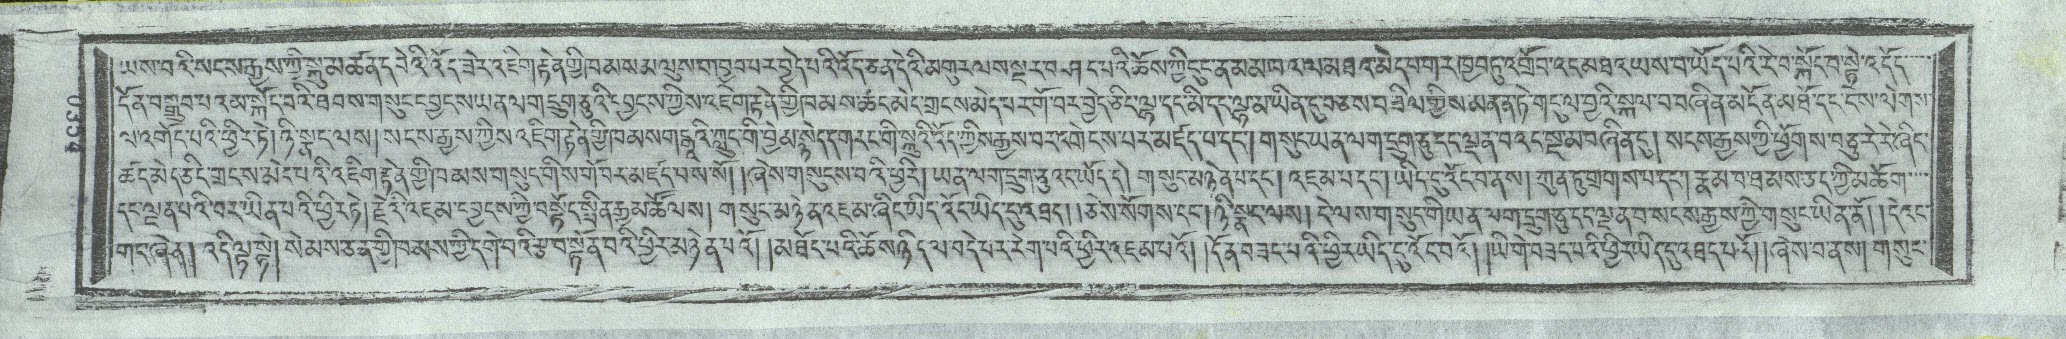ཡས་བའི་སངས་རྒྱས་ཀྱི་སྐུ་མཚན་དབེའི་འོད་ཟེར་འཇིག་རྟེན་གྱི་བསམ་མ་ལུས་བ་ཁྱབ་པར་བྱེད་པའི་འོད་ཅན་དེའི་མགུར་ལས་སྔར་བཤད་པའི་ཆོས་ཀྱི་དུང་ནམ་མཁའ་ལ་མཐའ་མེད་པ་གར་ཁྱབ་ཏུ་འགྲོ་བ་འད་མཐའ་ཡས་བ་ཡོད་པའི་རེ་བསྐོད་བ་སྟེ་འདོད་
དོན་བསྒྲུབ་པའམ་སྐོད་པའི་ཐབས་གསུང་དབྱངས་ཡན་ལག་དྲུག་ཅུའི་དབྱངས་ཀྱིས་འཇིག་རྟེན་གྱི་ཁམས་ཚད་མེད་གྲངས་མེད་པར་གོ་བར་བྱེད་ཅིང་ལྷ་དང་མི་དང་ལྷ་མ་ཡིན་དུ་བཅས་བཟིལ་གྱིས་མནན་ཏེ་གདུལ་བྱའི་སྐལ་བ་བཞིན་མདོན་མཐོ་དང་ངེས་ལེགས་
ལ་འགོང་པའི་ཕྱིར་ཏེ། ཉི་སྣང་ལས། སངས་རྒྱས་ཀྱིས་འཇིག་རྟེན་གྱི་ཁམས་གངྒཱའི་ཀླུང་གི་བྱ་མ་སྙེད་དར་རང་གི་སྐུའི་དོན་ཀྱིས་རྒྱས་བར་འགེངས་པར་མཛད་པ་དང་། གསུངས་ཡན་ལག་དྲུག་ཅུ་དང་ལྡན་བའང་སྔ་མ་བཞིན་དུ། སངས་རྒྱས་ཀྱི་ཕྱོགས་བཅུ་རེ་རེ་ཞིང་
ཚད་མེད་ཅིང་གྲངས་མེད་པའི་འཇིག་རྟེན་གྱི་ཁམས་གསུང་གིས་གོ་བར་མཛད་པས་སོ། །ཞེས་གསུངས་པའི་ཕྱིར། ཡན་ལག་དྲུག་ཅུའང་ཡོད་དེ། གསུང་མཉེན་པ་དང་། འཇམ་པ་དང་། ཡིད་དུ་འོང་བ་ནས། ཀུན་ཏུ་གྲགས་པ་དང་། རྣམ་བ་ཐམས་ཅད་ཀྱི་མཆོག་
དང་ལྡན་པའི་བར་ཡིན་པའི་ཕྱིར་ཏེ། རྗེའི་འཇམ་དབྱངས་ཀྱི་བསྟོད་སྤྲིན་རྒྱ་མཚོ་ལས། གསུང་མཉེན་འཇམ་ཞིང་ཡིད་འོང་ཡིད་དུ་འཐད། །ཅེས་སོགས་དང་། ཉི་སྣང་ལས། དེ་ལས་གསུང་གི་ཡན་ལག་དྲུག་ཅུ་དང་ལྡན་བ་སངས་རྒྱས་ཀྱི་གསུང་ཡིན་ནོ། །དེའང་
གང་ཞེ་ན། འདི་ལྟ་སྟེ། སེམས་ཅན་གྱི་ཁམས་ཀྱི་དགེ་བའི་རྩ་བསྟོན་པའི་ཕྱིར་མཉེན་པའོ། །མཐོང་པའི་ཆོས་ཉིད་ལ་བདེ་པར་རེག་པའི་ཕྱིར་འཇམ་པའོ། །དོན་བཟང་པའི་ཕྱིར་ཡིད་དུ་འོང་བའོ། །ཡི་གེ་བཟང་པའི་ཕྱིར་ཡིད་དུ་འཐད་པའོ། །ཞེས་བ་ནས། གསུང་